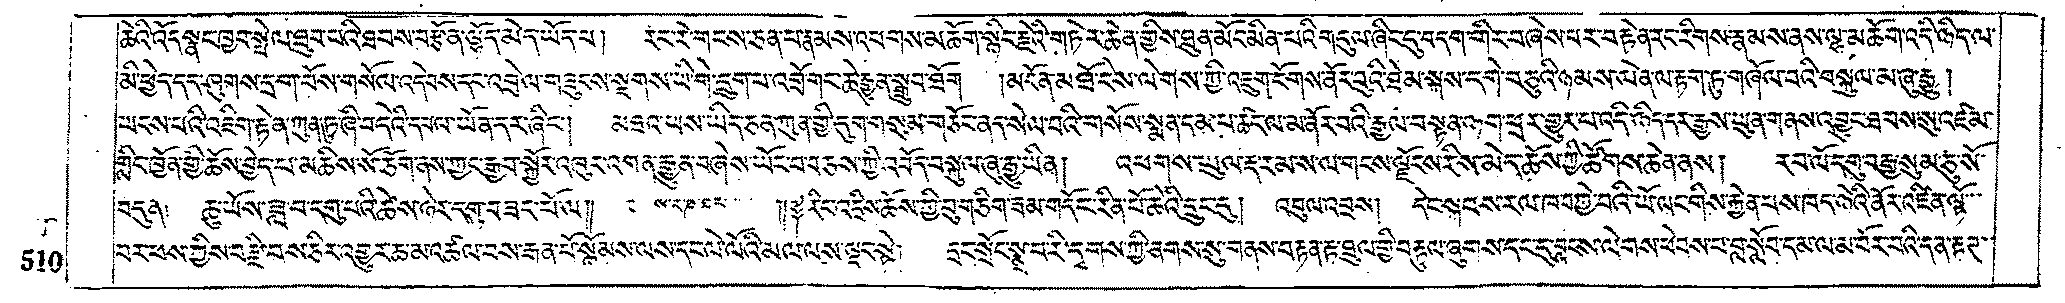ཆེའི་འོད་སྣང་ཁྱབ་སྤེལ་ཐུབ་པའི་ཐབས་བརྩོན་ལྷོད་མེད་ཡོད་པ། རང་རེ་གངས་ཅན་པ་རྣམས་འཕགས་མཆོག་སྙིང་རྗེའི་གཏེར་ཆེན་གྱིས་ཐུན་མོང་མིན་པའི་གདུལ་ཞིང་དུ་བདག་གིར་བཞེས་པར་བརྟེན་རང་རིགས་རྣམས་ནས་ལྷ་མཆོག་འདི་ཉིད་ལ་
མི་ཕྱེད་དད་ཤུགས་དྲག་པོས་གསོལ་འདེབས་དང་འབྲེལ་གཟུངས་སྔགས་ཡི་གེ་དྲུག་པ་འགྲོ་གང་ཆེ་རྒྱུན་སྒྲུབ་ཐོག །མངོན་མཐོ་ངེས་ལེགས་ཀྱི་འཇུག་ངོགས་ནོར་བུའི་ཐེམ་སྐས་དགེ་བཅུའི་ཉམས་ལེན་ལ་རྟག་ཏུ་གཞོལ་བའི་བསྐུལ་མ་ཞུ་རྒྱུ།
ཡངས་པའི་འཇིག་རྟེན་ཀུན་ཏུ་ཞི་བདེའི་དཔལ་ཡོན་དར་ཞིང་། མཐའ་ཡས་ཡིད་ཅན་ཀུན་གྱི་དུག་གསུམ་གཅོང་ནད་སེལ་བའི་གསོས་སྨན་དམ་པ་ཚང་ལ་མ་ནོར་བའི་རྒྱལ་བསྟན་ཉག་ཕྲག་གྱུར་པ་འདི་ཉིད་དར་རྒྱས་ཡུན་གནས་འབྱུང་ཐབས་སུ་འཛམ་
གླིང་ཁྱོན་གྱི་ཆོས་བྱེད་པ་མཆིས་སོ་ཅོག་ནས་ཀྱང་རྒྱབ་སྐྱོར་འཁུར་འགན་རྒྱུན་བཞེས་ཡོང་བ་བཅས་ཀྱི་འབོད་བསྐུལ་ཞུ་རྒྱུ་ཡིན། འཕགས་ཡུལ་རྡ་རམ་ས་ལ་གངས་ལྗོངས་རིས་མེད་ཆོས་ཀྱི་ཚོགས་ཆེན་ནས། རབ་ལོ་དགུ་བརྒྱ་སུམ་ཅུ་སོ་
བདུན། ཆུ་ཡོས་ཟླ་བ་དགུ་པའི་ཚེས་ཉེར་དགུ་བཟང་པོ་ལ།། ༧ས་ར་ཎ་ཐར་་་་།།འ་རིང་འདྲིས་ཆོས་ཀྱི་བུ་གཅིག་ཟམ་གདོང་རིན་པོ་ཆེའི་དྲུང་དུ། འབུལ་འབྲས། དེང་སྐབས་རལ་ཁ་བཀྱེ་བའི་ཡོ་ལང་གིས་རྐྱེན་པས་ཁད་ཉེའི་ནོར་འཛིན་ལྷོ་་་
བར་ཕས་ཀྱིས་བརྫི་བས་ཅིར་འགྱུར་ཆ་མ་འཚལ་བས་རྒན་པོ་སྙོམས་ལས་དང་ལེ་ལོའི་མལ་ལས་ལྡང་སྟེ། དྲང་སྲོང་སྨྲ་བ་རི་དྭགས་ཀྱི་ནགས་སུ་གནས་བརྟན་རྟ་ཐུལ་གྱི་བརྟུལ་ཞུགས་དང་དུ་བླངས་ལེགས་ཕེབས་པ་བླ་སློབ་དམ་ལ་མ་བོར་བའི་དང་རྟཌ་་་